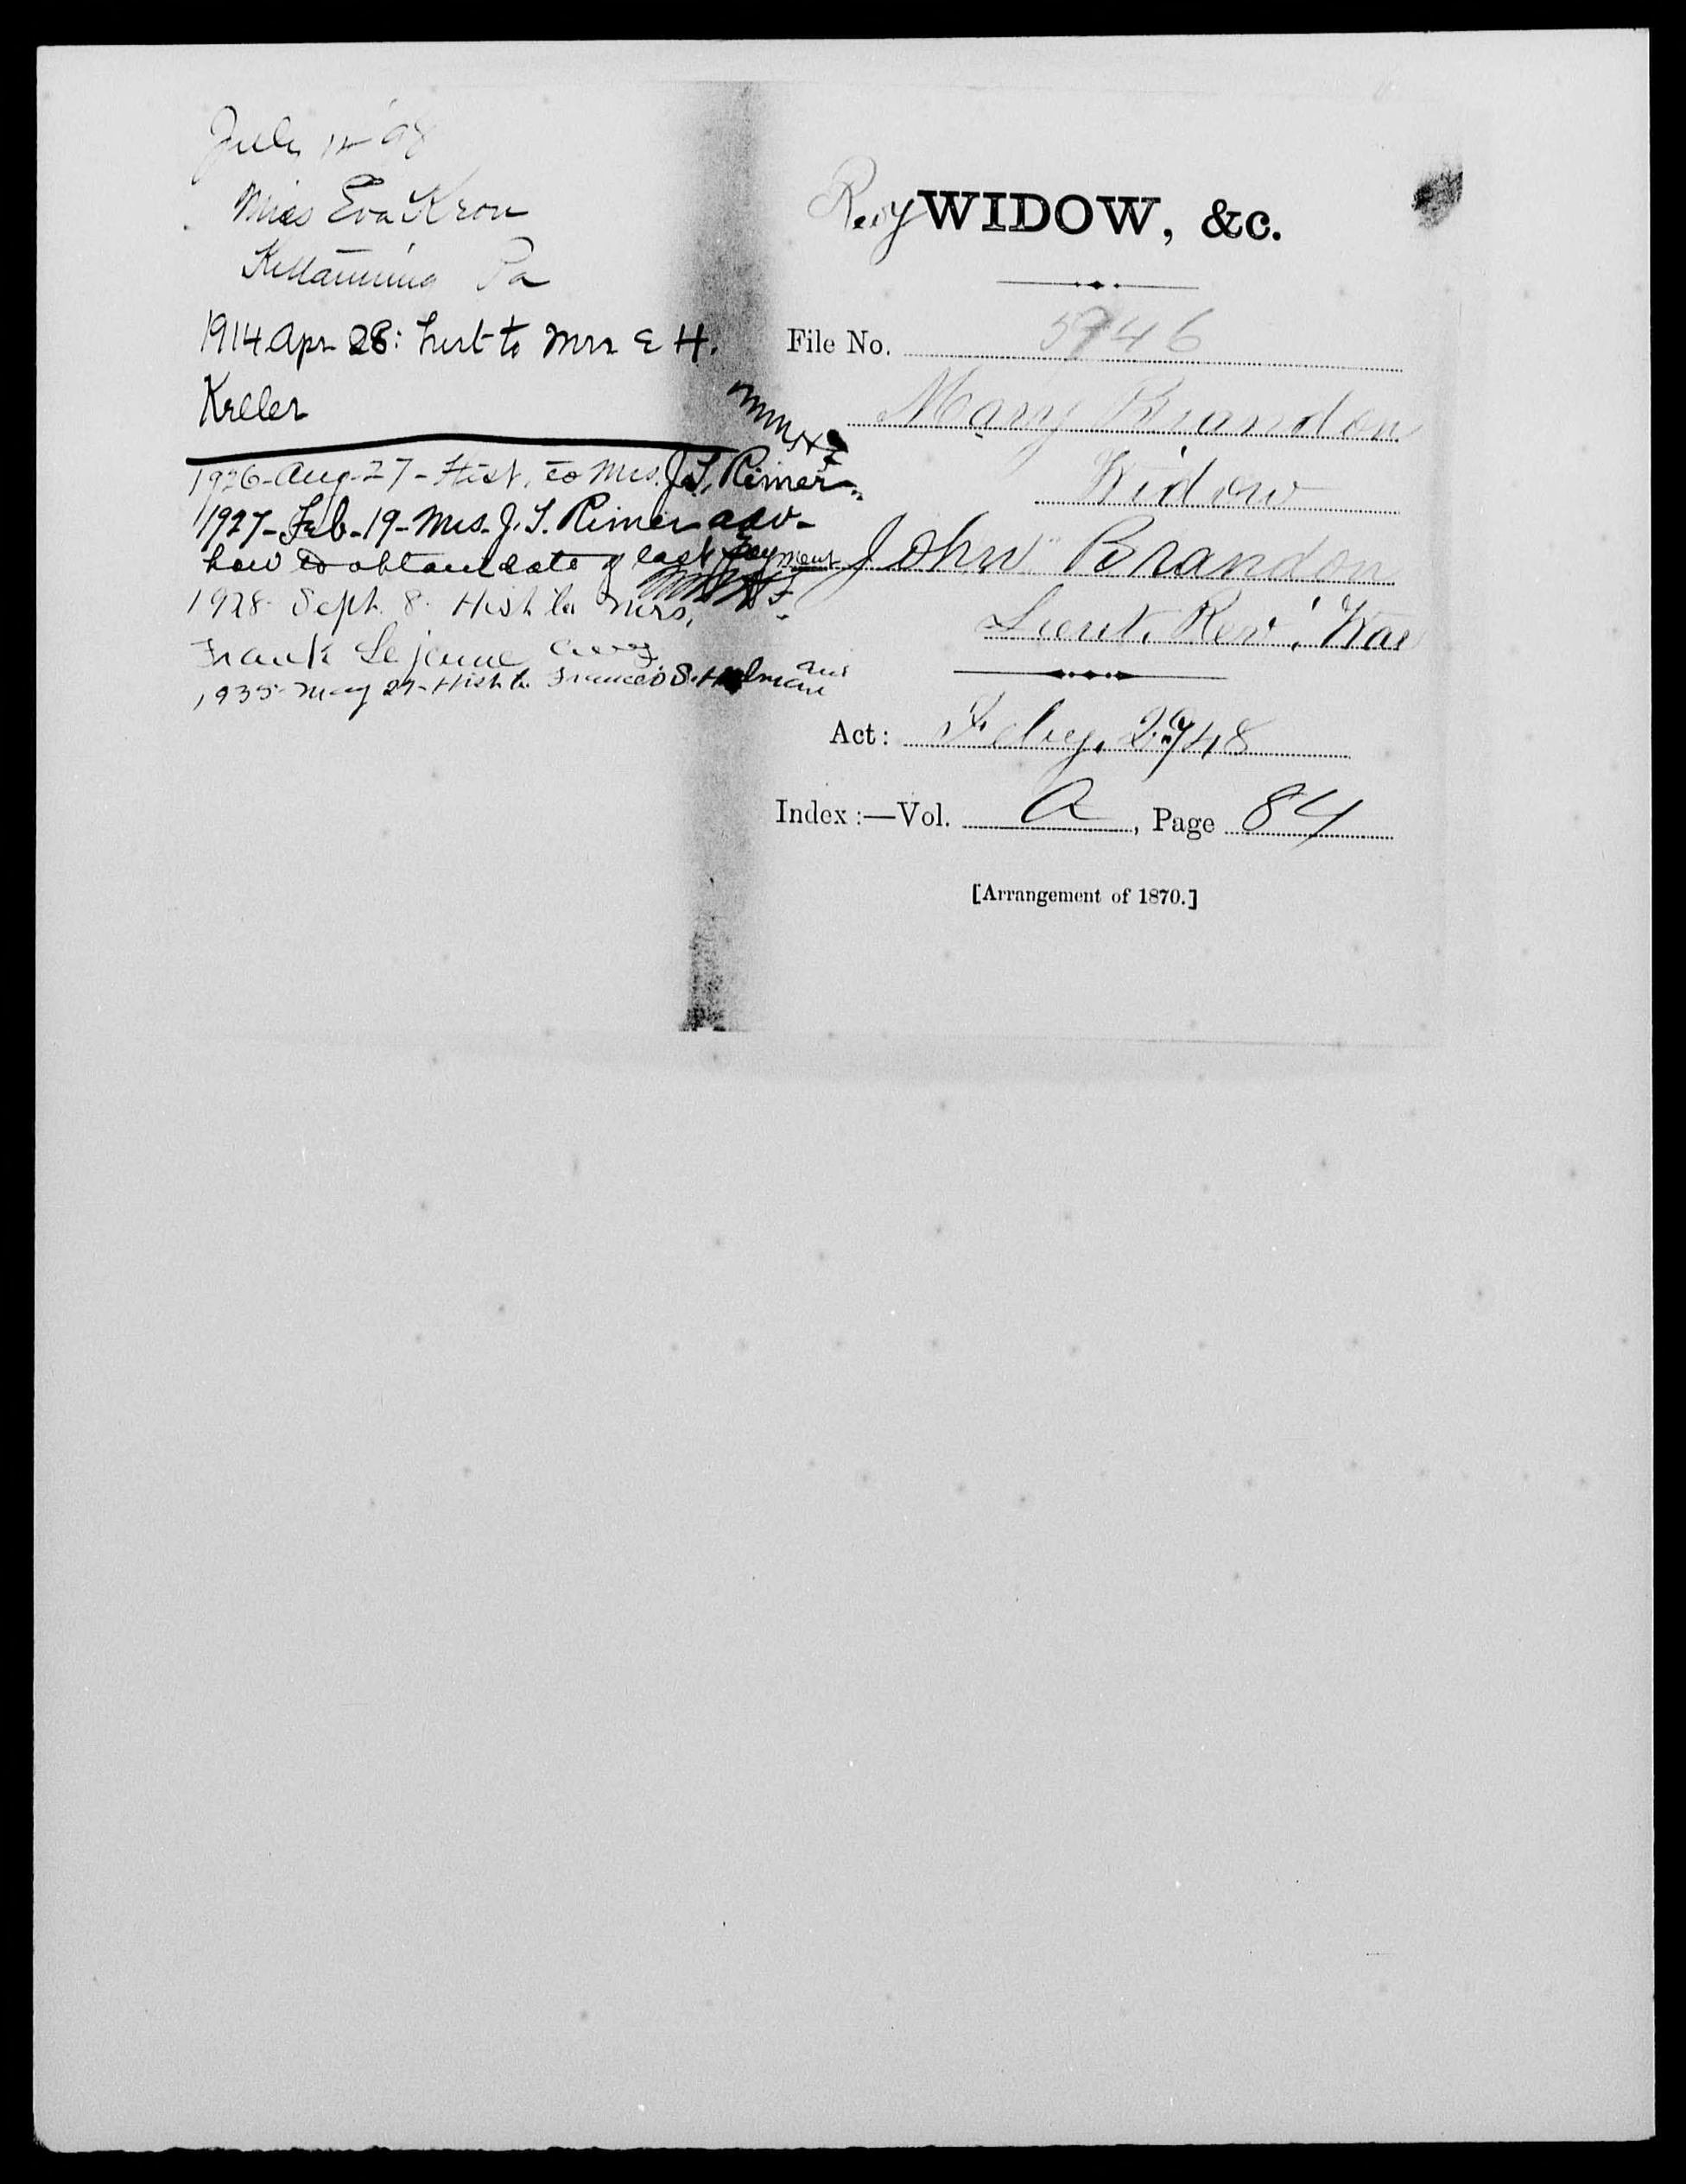July 11 98
Miss Eva Kron
Kittanning Pa
1914 Apr 28: hist to Mrs E H. Keller
-
1926 -Aug-27-Hist. to Mrs. J.T. Rimer.
1927-Feb-19-Mrs. J.T. Rimer adv- how to obtain date of last payment
1928- Sept. 8- Hist. to Mrs. Frank Lejeune awf
1935- May 27- Hist. to Frances S. Helman awf

Revy WIDOW, &c.
-
File No. 5946
Mary Brandon
Widow
John Brandon
Lieut. Rev. War
-
Act: July 29 48
Index:--Vol. A, Page 84

[Arrangement of 1870.]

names: E H Keller, J T Rimer, Frank Lejeune, Eva Keon, Mary Brandon, John Brandon, Frances S Helman, J T Rimer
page: 25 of 83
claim: widow's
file: W. 5946, John Brandon, Penn